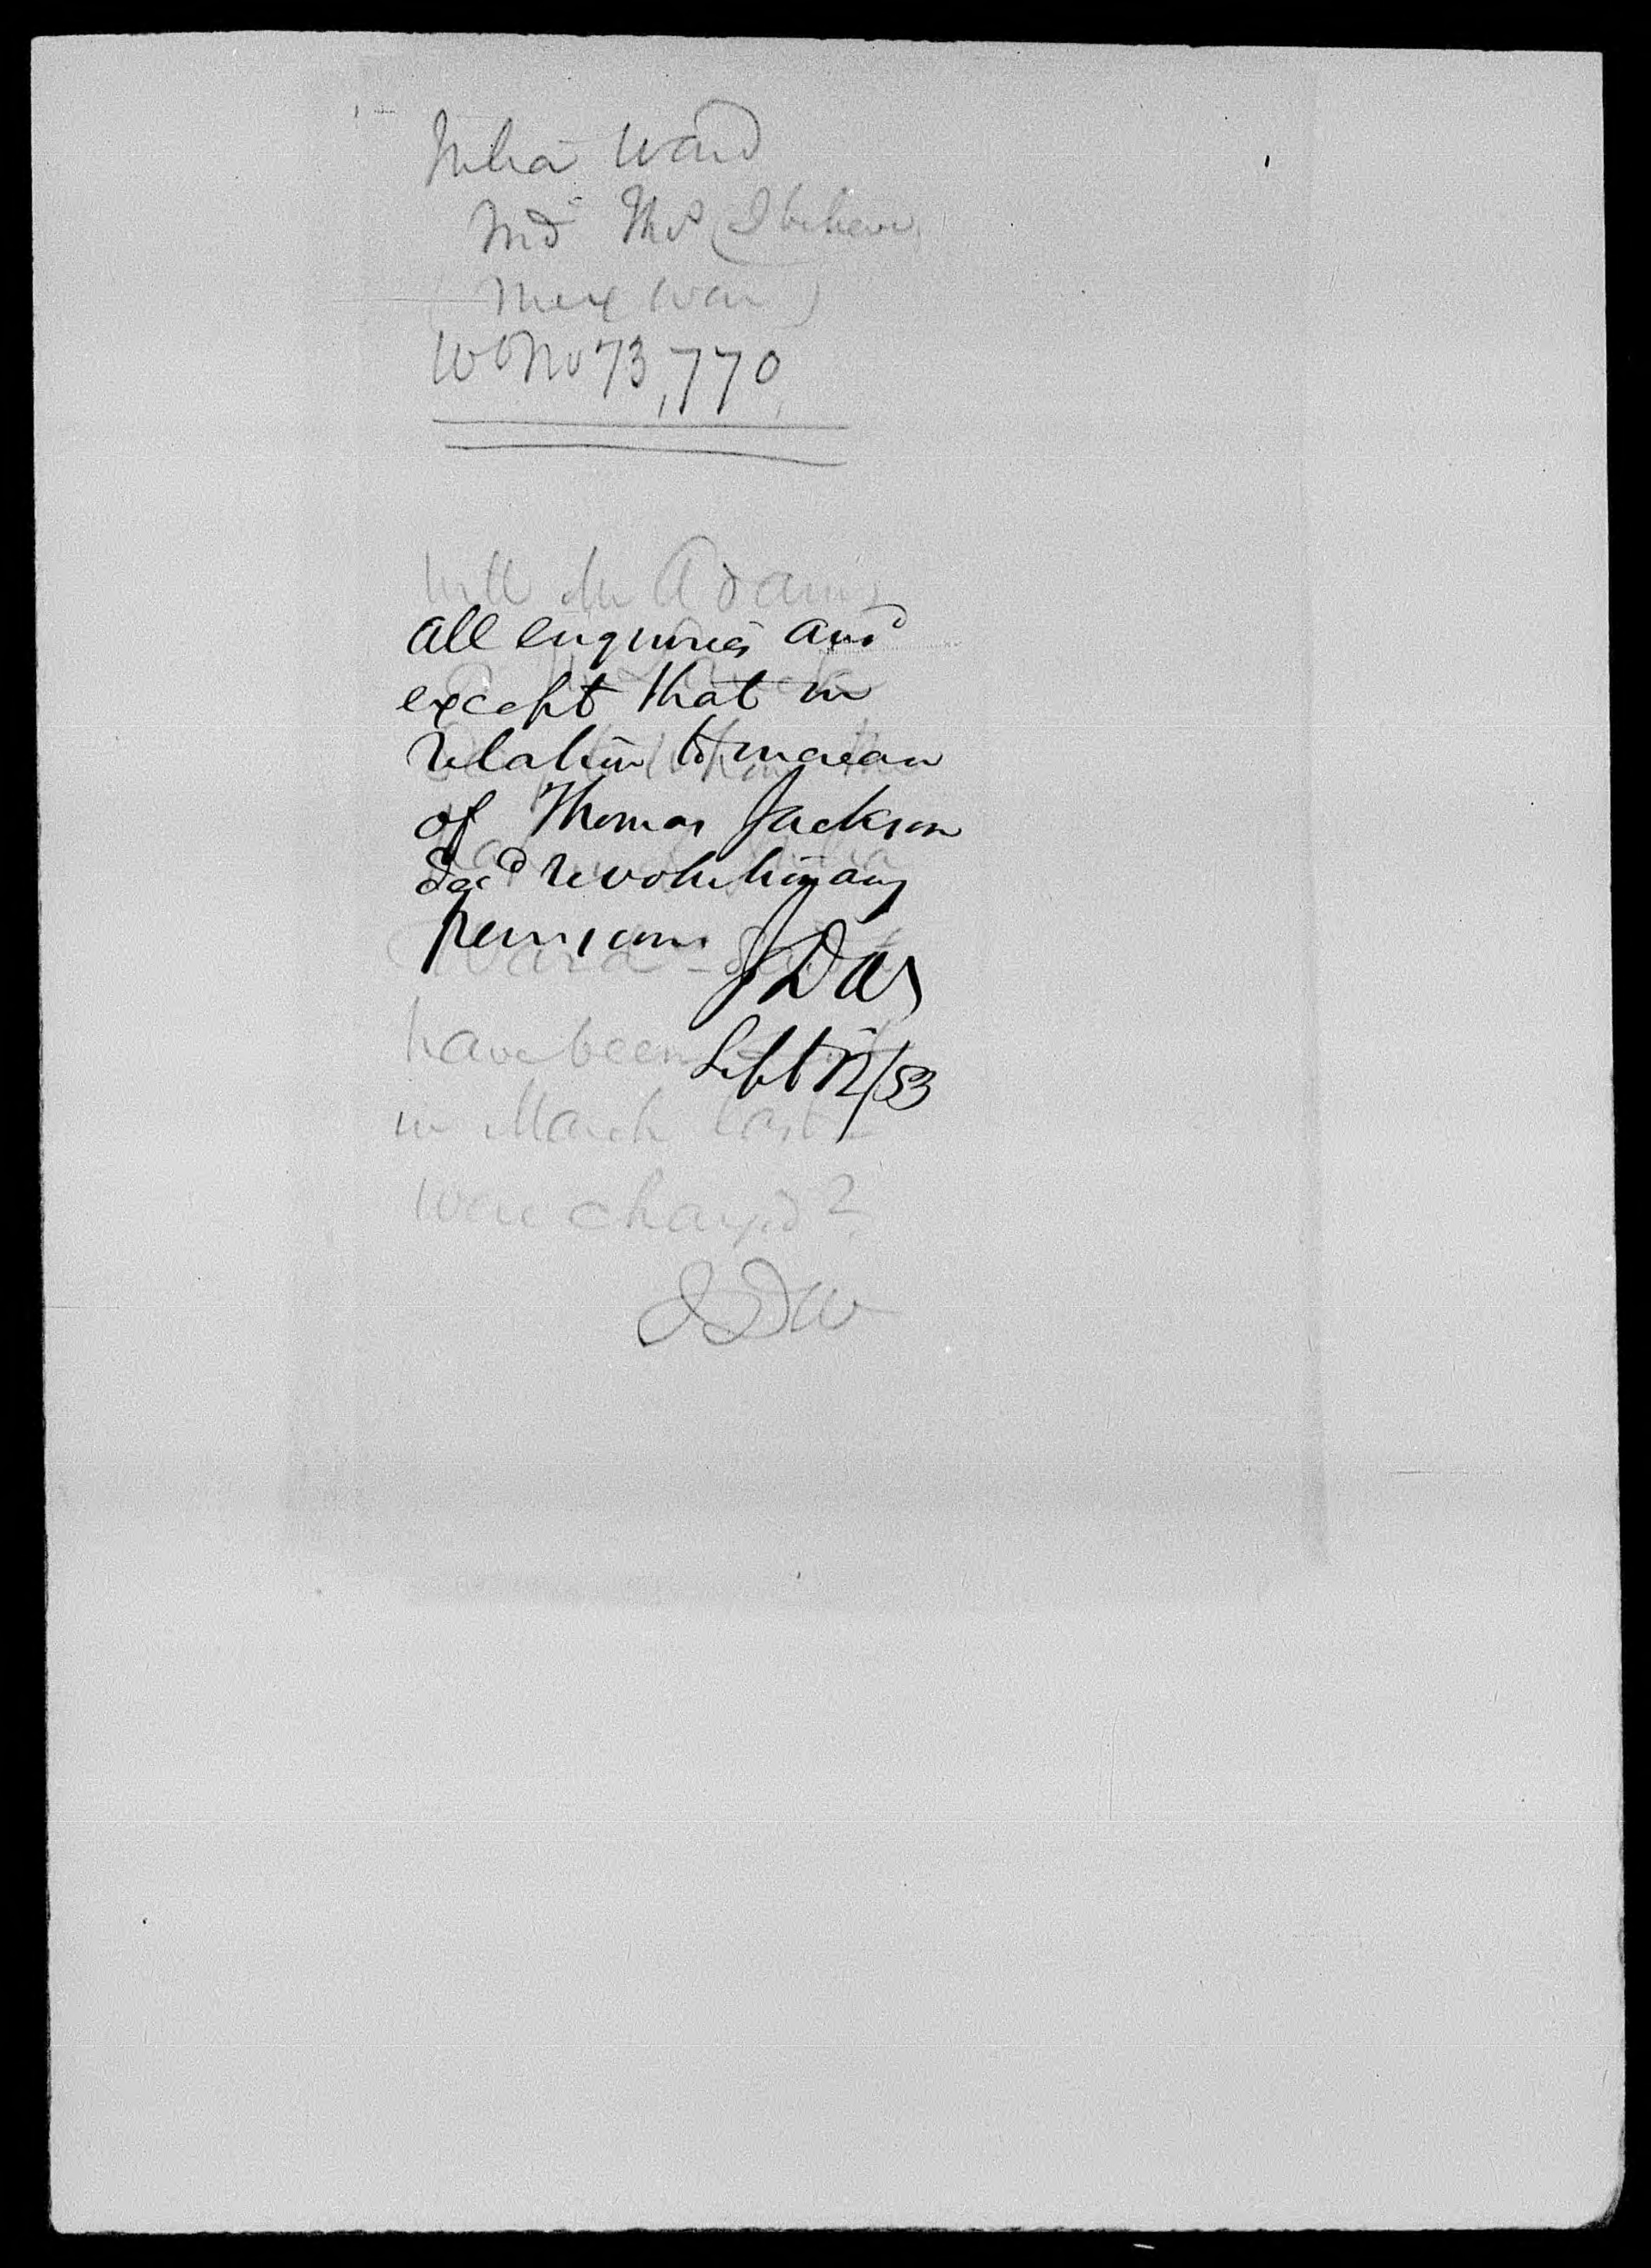Julia Ward
Wd Thos Jackson
(Revy War0

W No 3, 770

[illegible]
all enquiries and
except that we
relative to increase 
of Thomas Jackson
revolutionary
Pension
was
have been left 12/53
in March last
were changed ?
J D W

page: 31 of 54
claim: survivor's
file: S. 31166, for Thomas Jackson, South Carolina